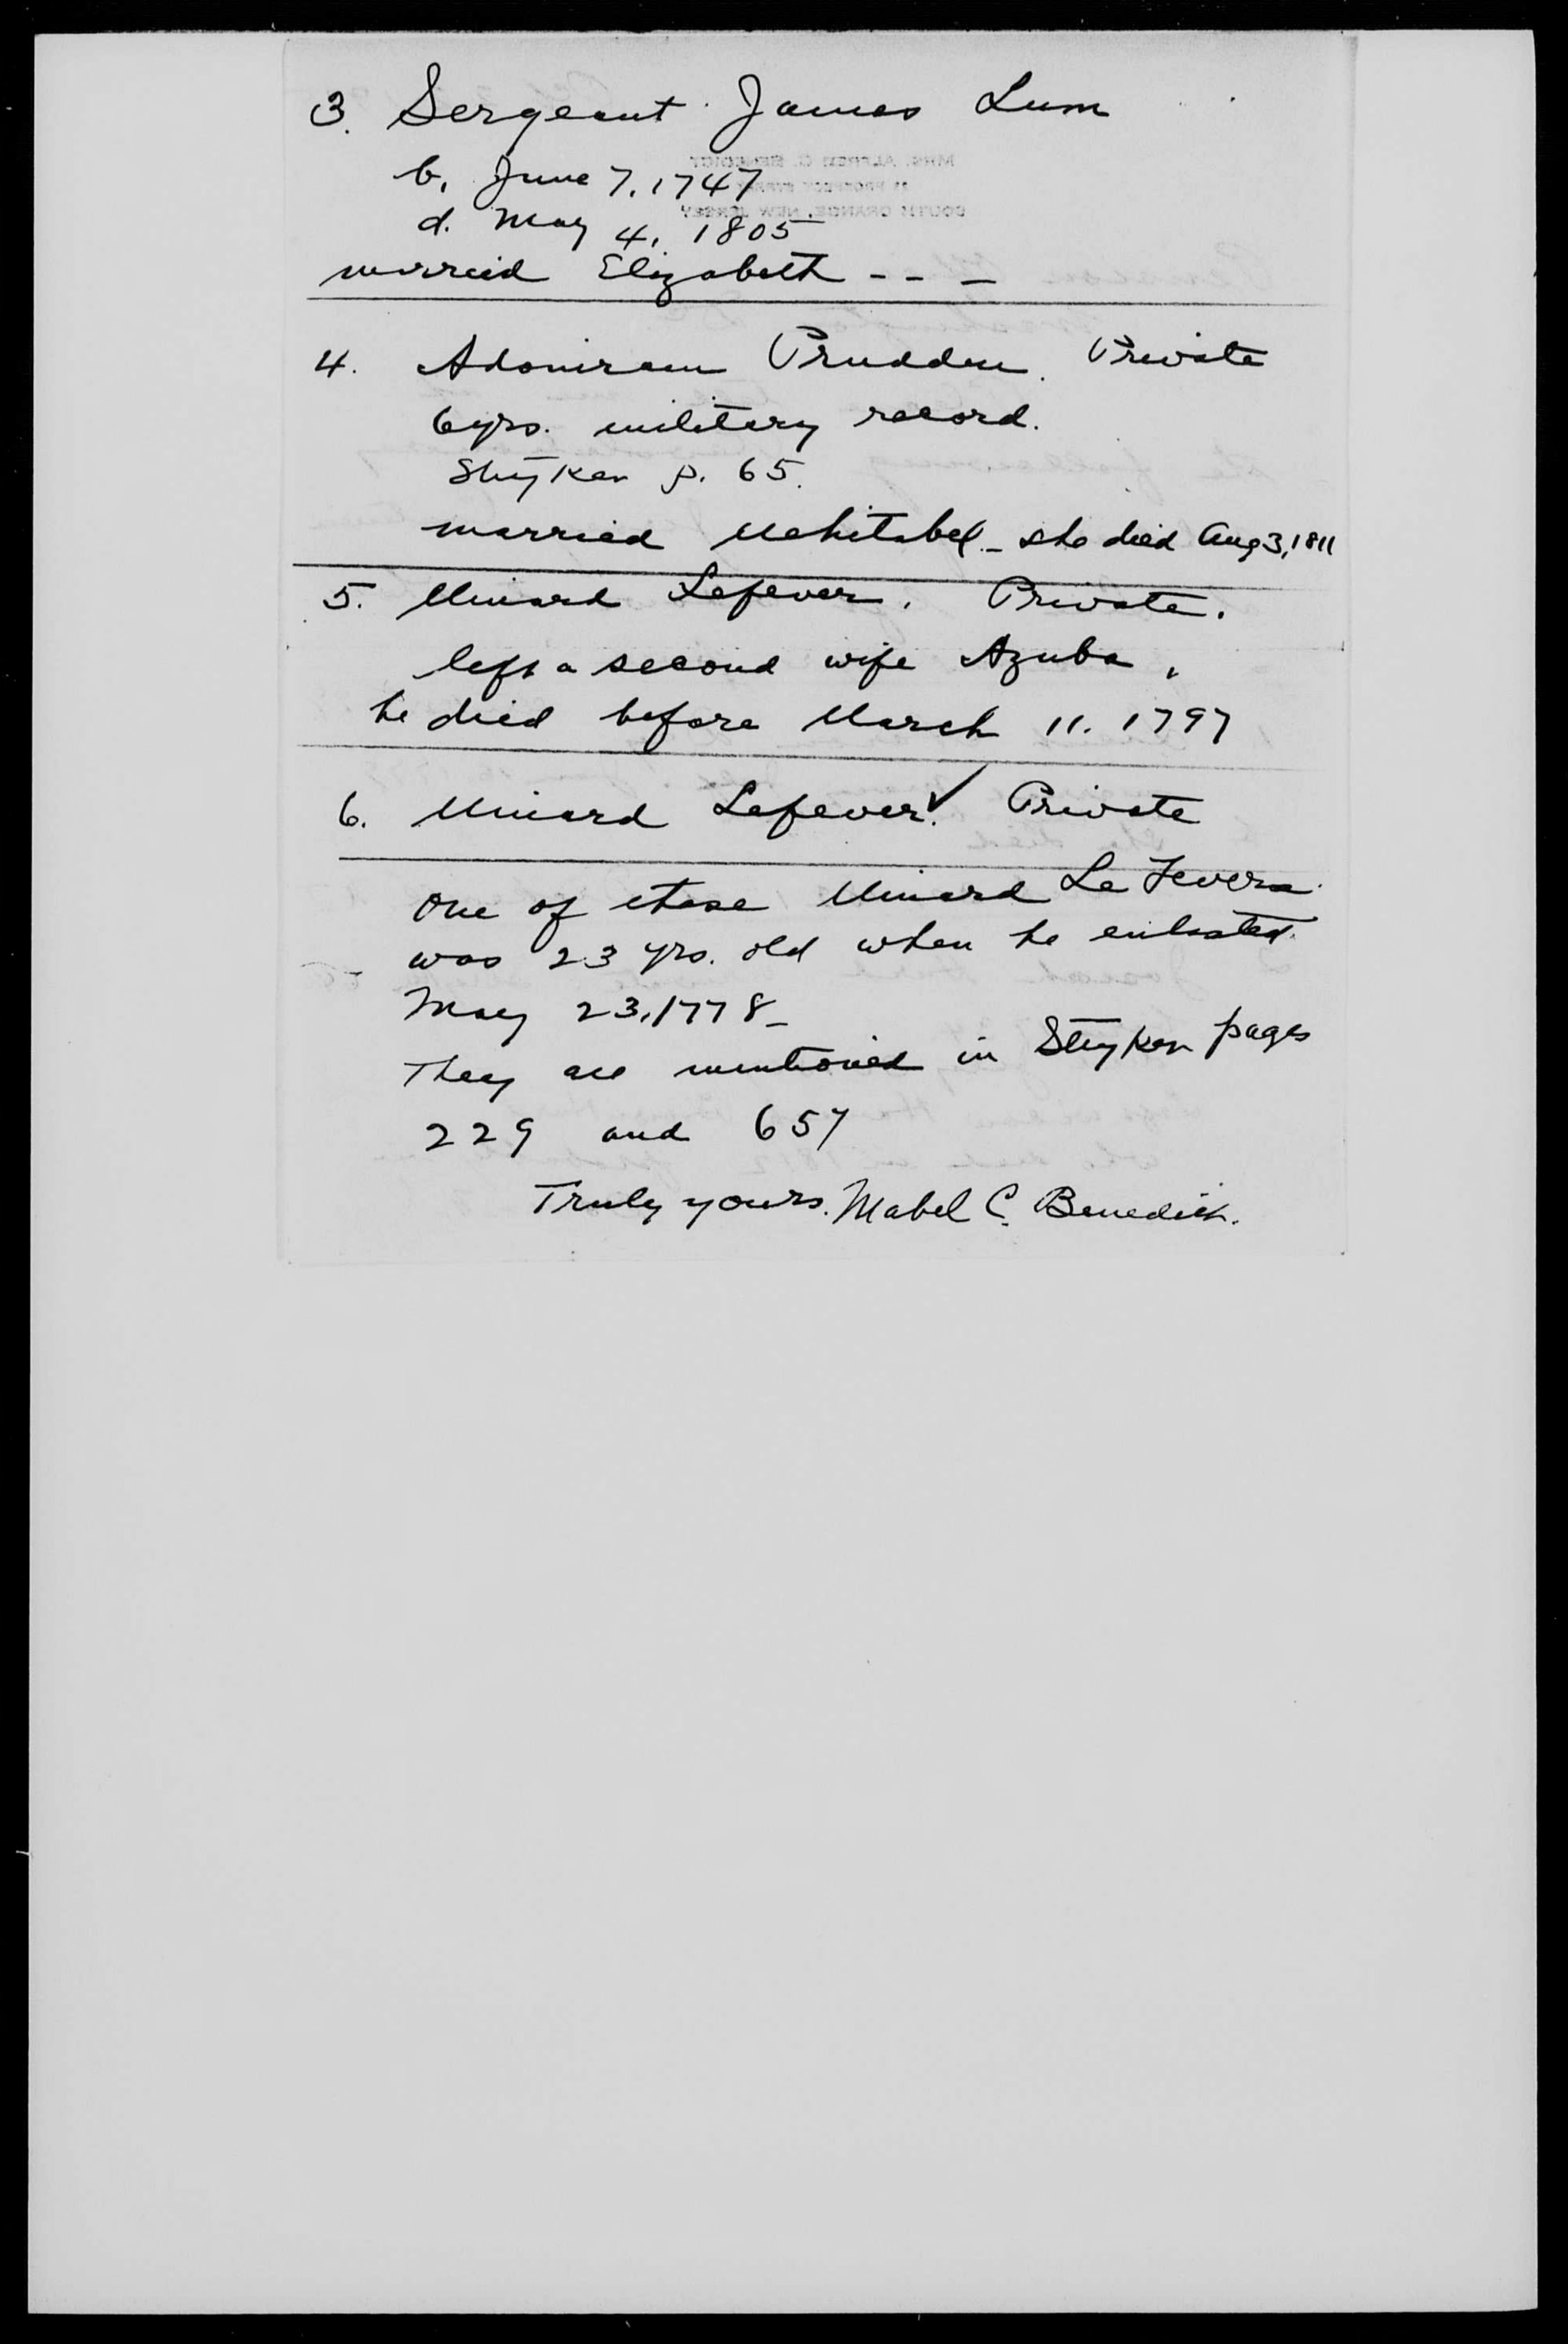3. Sergeant James Lum
b. June 7. 1747
d. May 4, 1805
married Elziabeth -
4. Adoniram Prudden. private
6 yrs. military record.
Stryker p. 65.
married [Mehitabel?]-she died Aug 3, 1811
5. Minard Lefever, private
left a second wife Azuba,
he died before March 11, 1797

6. Minard Lefever [check mark] Private
One of these Minard Le Fevers was 23 yrs. old when he enlisted.
May 23, 1778-
They are mentioned in Stryker pages 229 and 657
Truly yours. Mabel C. Benedict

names: Minard Lefever, Minard Lefever, Mabel C Benedict, James Lum, Minard Lefever, Azuba, Mehitabel, Adoniram Prudden, Elizabeth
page: 11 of 15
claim: bounty land warrant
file: B. L. Wt. 1849-200, Aaron Day, New Jersey